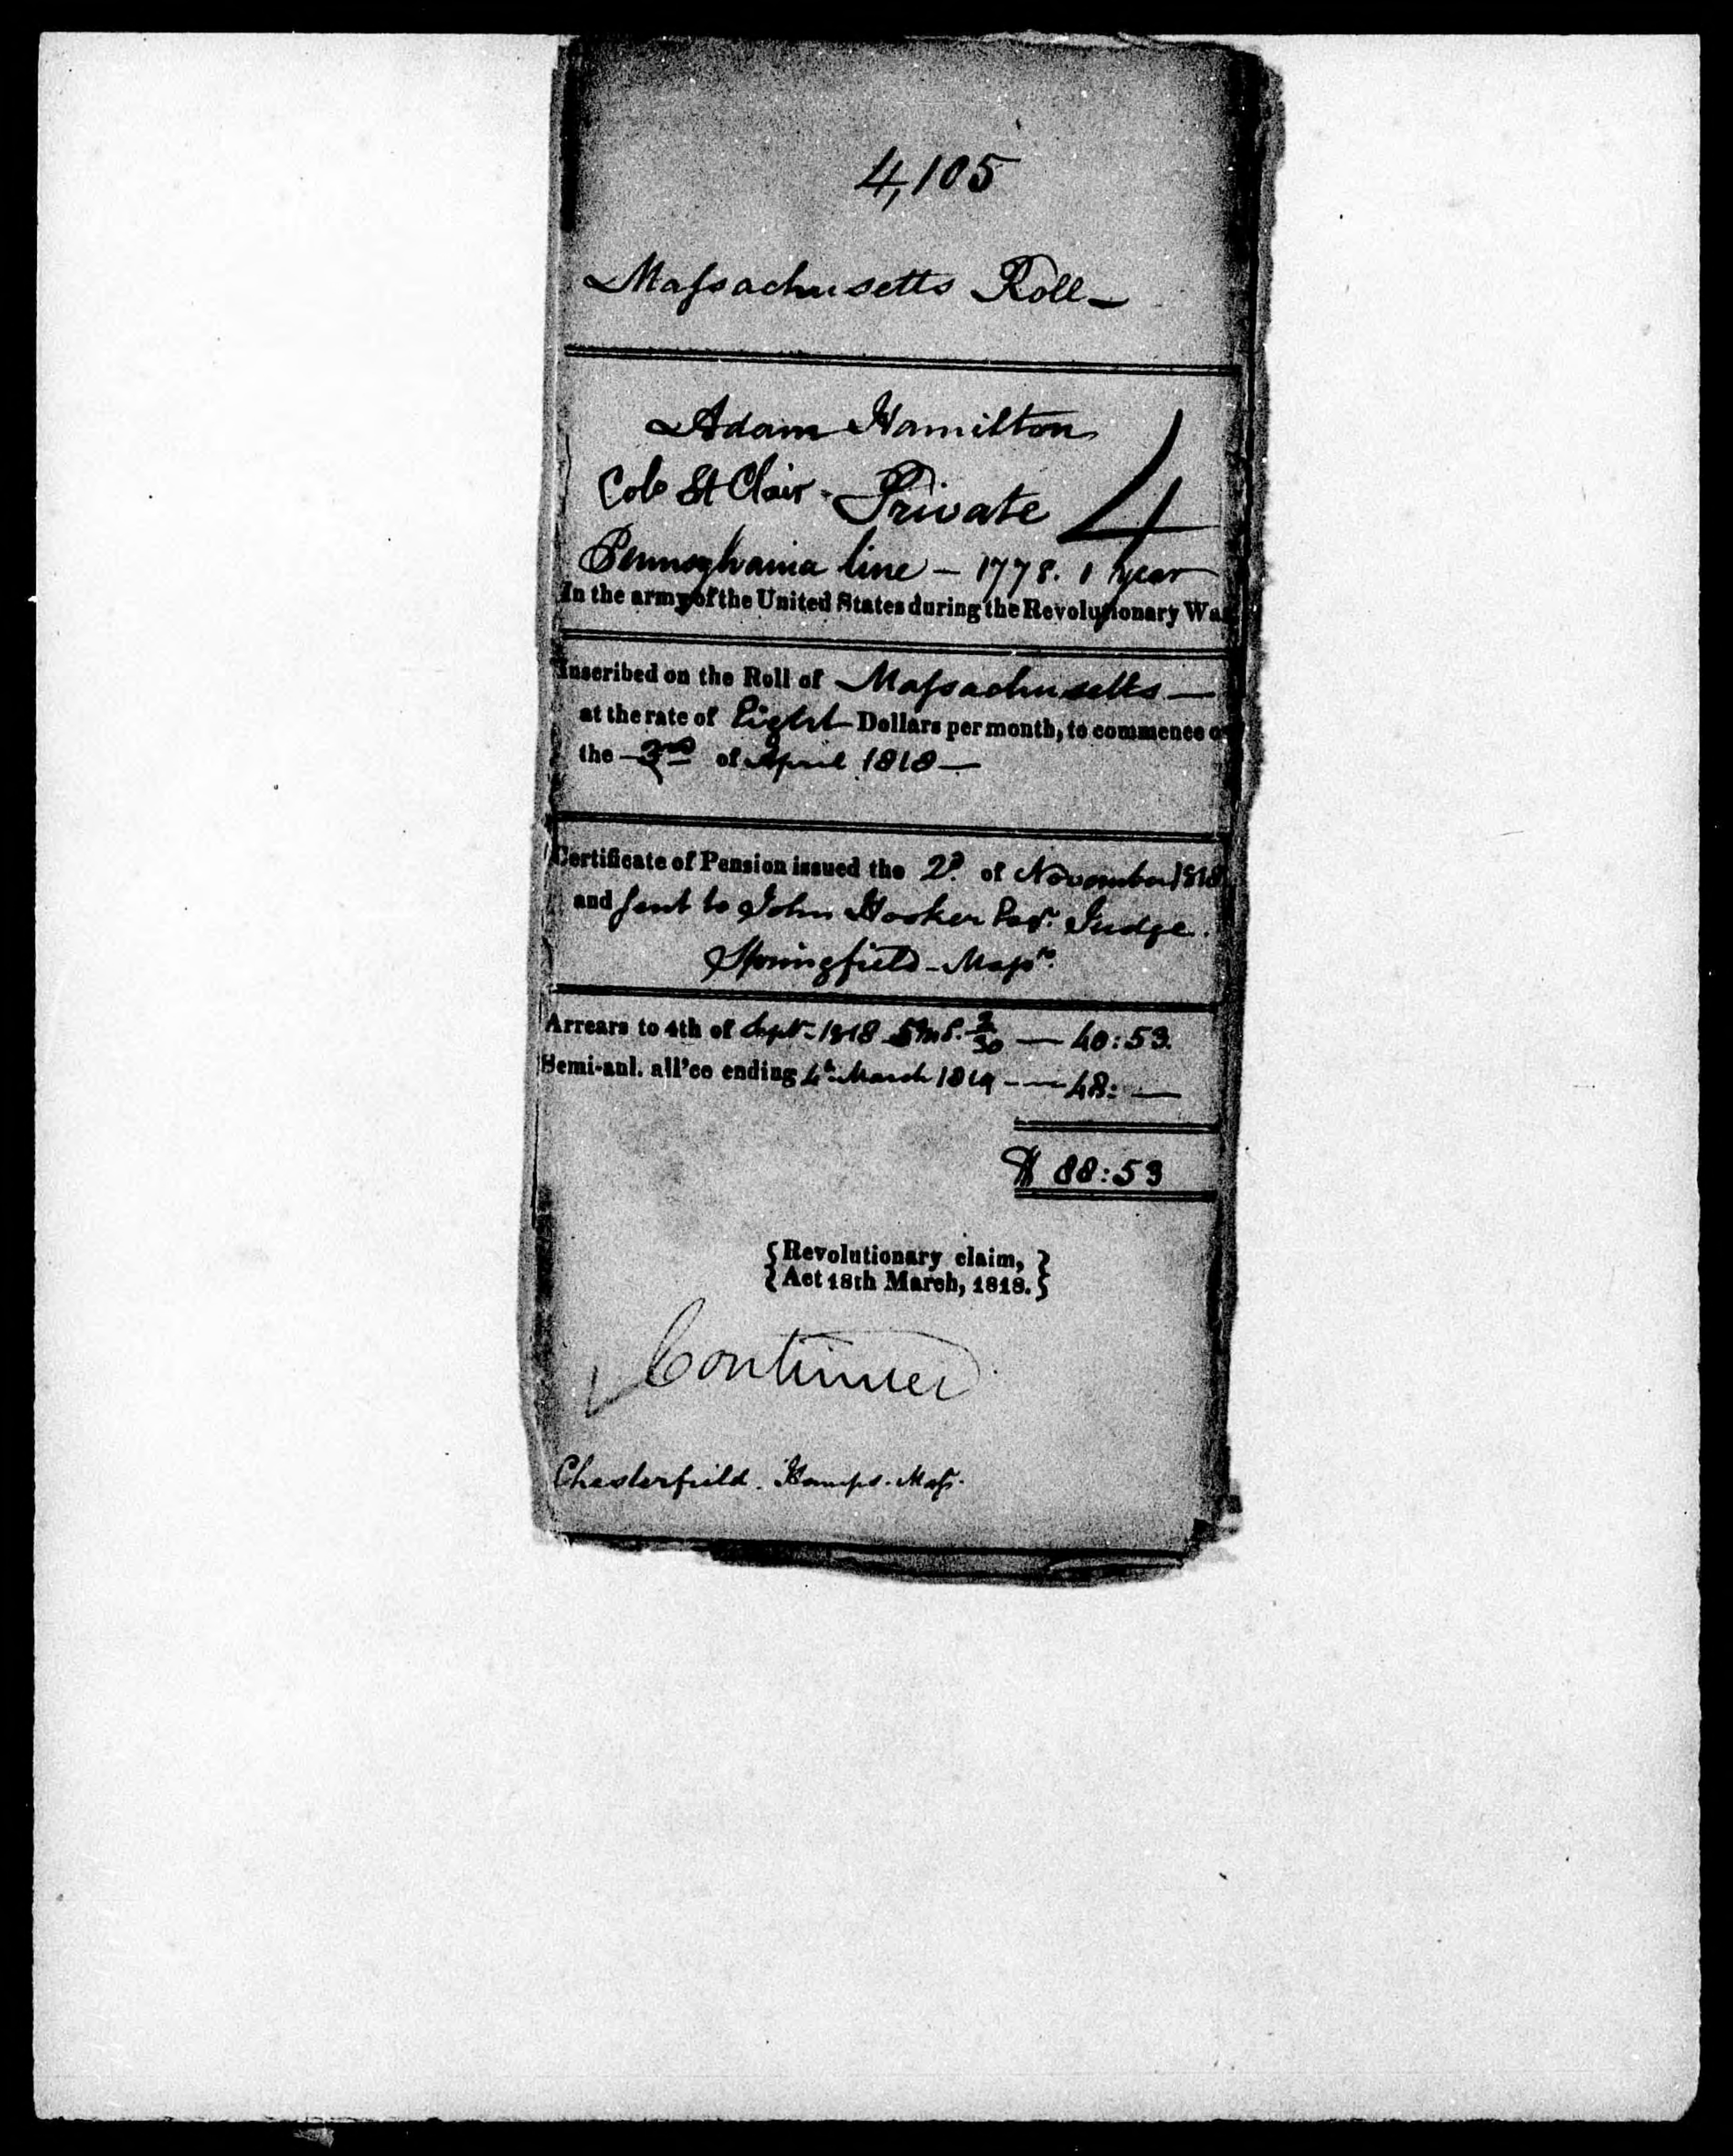4,105
Massachusetts Rolls
===============
Adam Hamilton 
Col. Sinclair Private.    4
Pennsylvania Line - 1778. 1 year
in the army of the United States during the Revolutionary War.
=================
Inscribed on the Roll of Massachusetts at the rate if eight dollars per month, to commence in the 3rd April 1818.
====================
Certificate of Pension issued the 2d of November 1818 and sent to John Hooker Pres. Judge Springfield, Mass.
=====================
Arrears to 4th of Sept 1818 5 mos.2/30  40.53   
Semi-anl. all'ce ending 4 March 1819      42.00
                                                                 ______
                                                                $88.53
{Revolutionary Claim,}
{Act 18th March, 1818.}
Continued
Chesterfield, Hamps, Mass.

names: Adam Hamilton, St Clair, John Hooker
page: 2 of 12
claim: survivor's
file: S. 32796, Adam Hamilton, Penn.